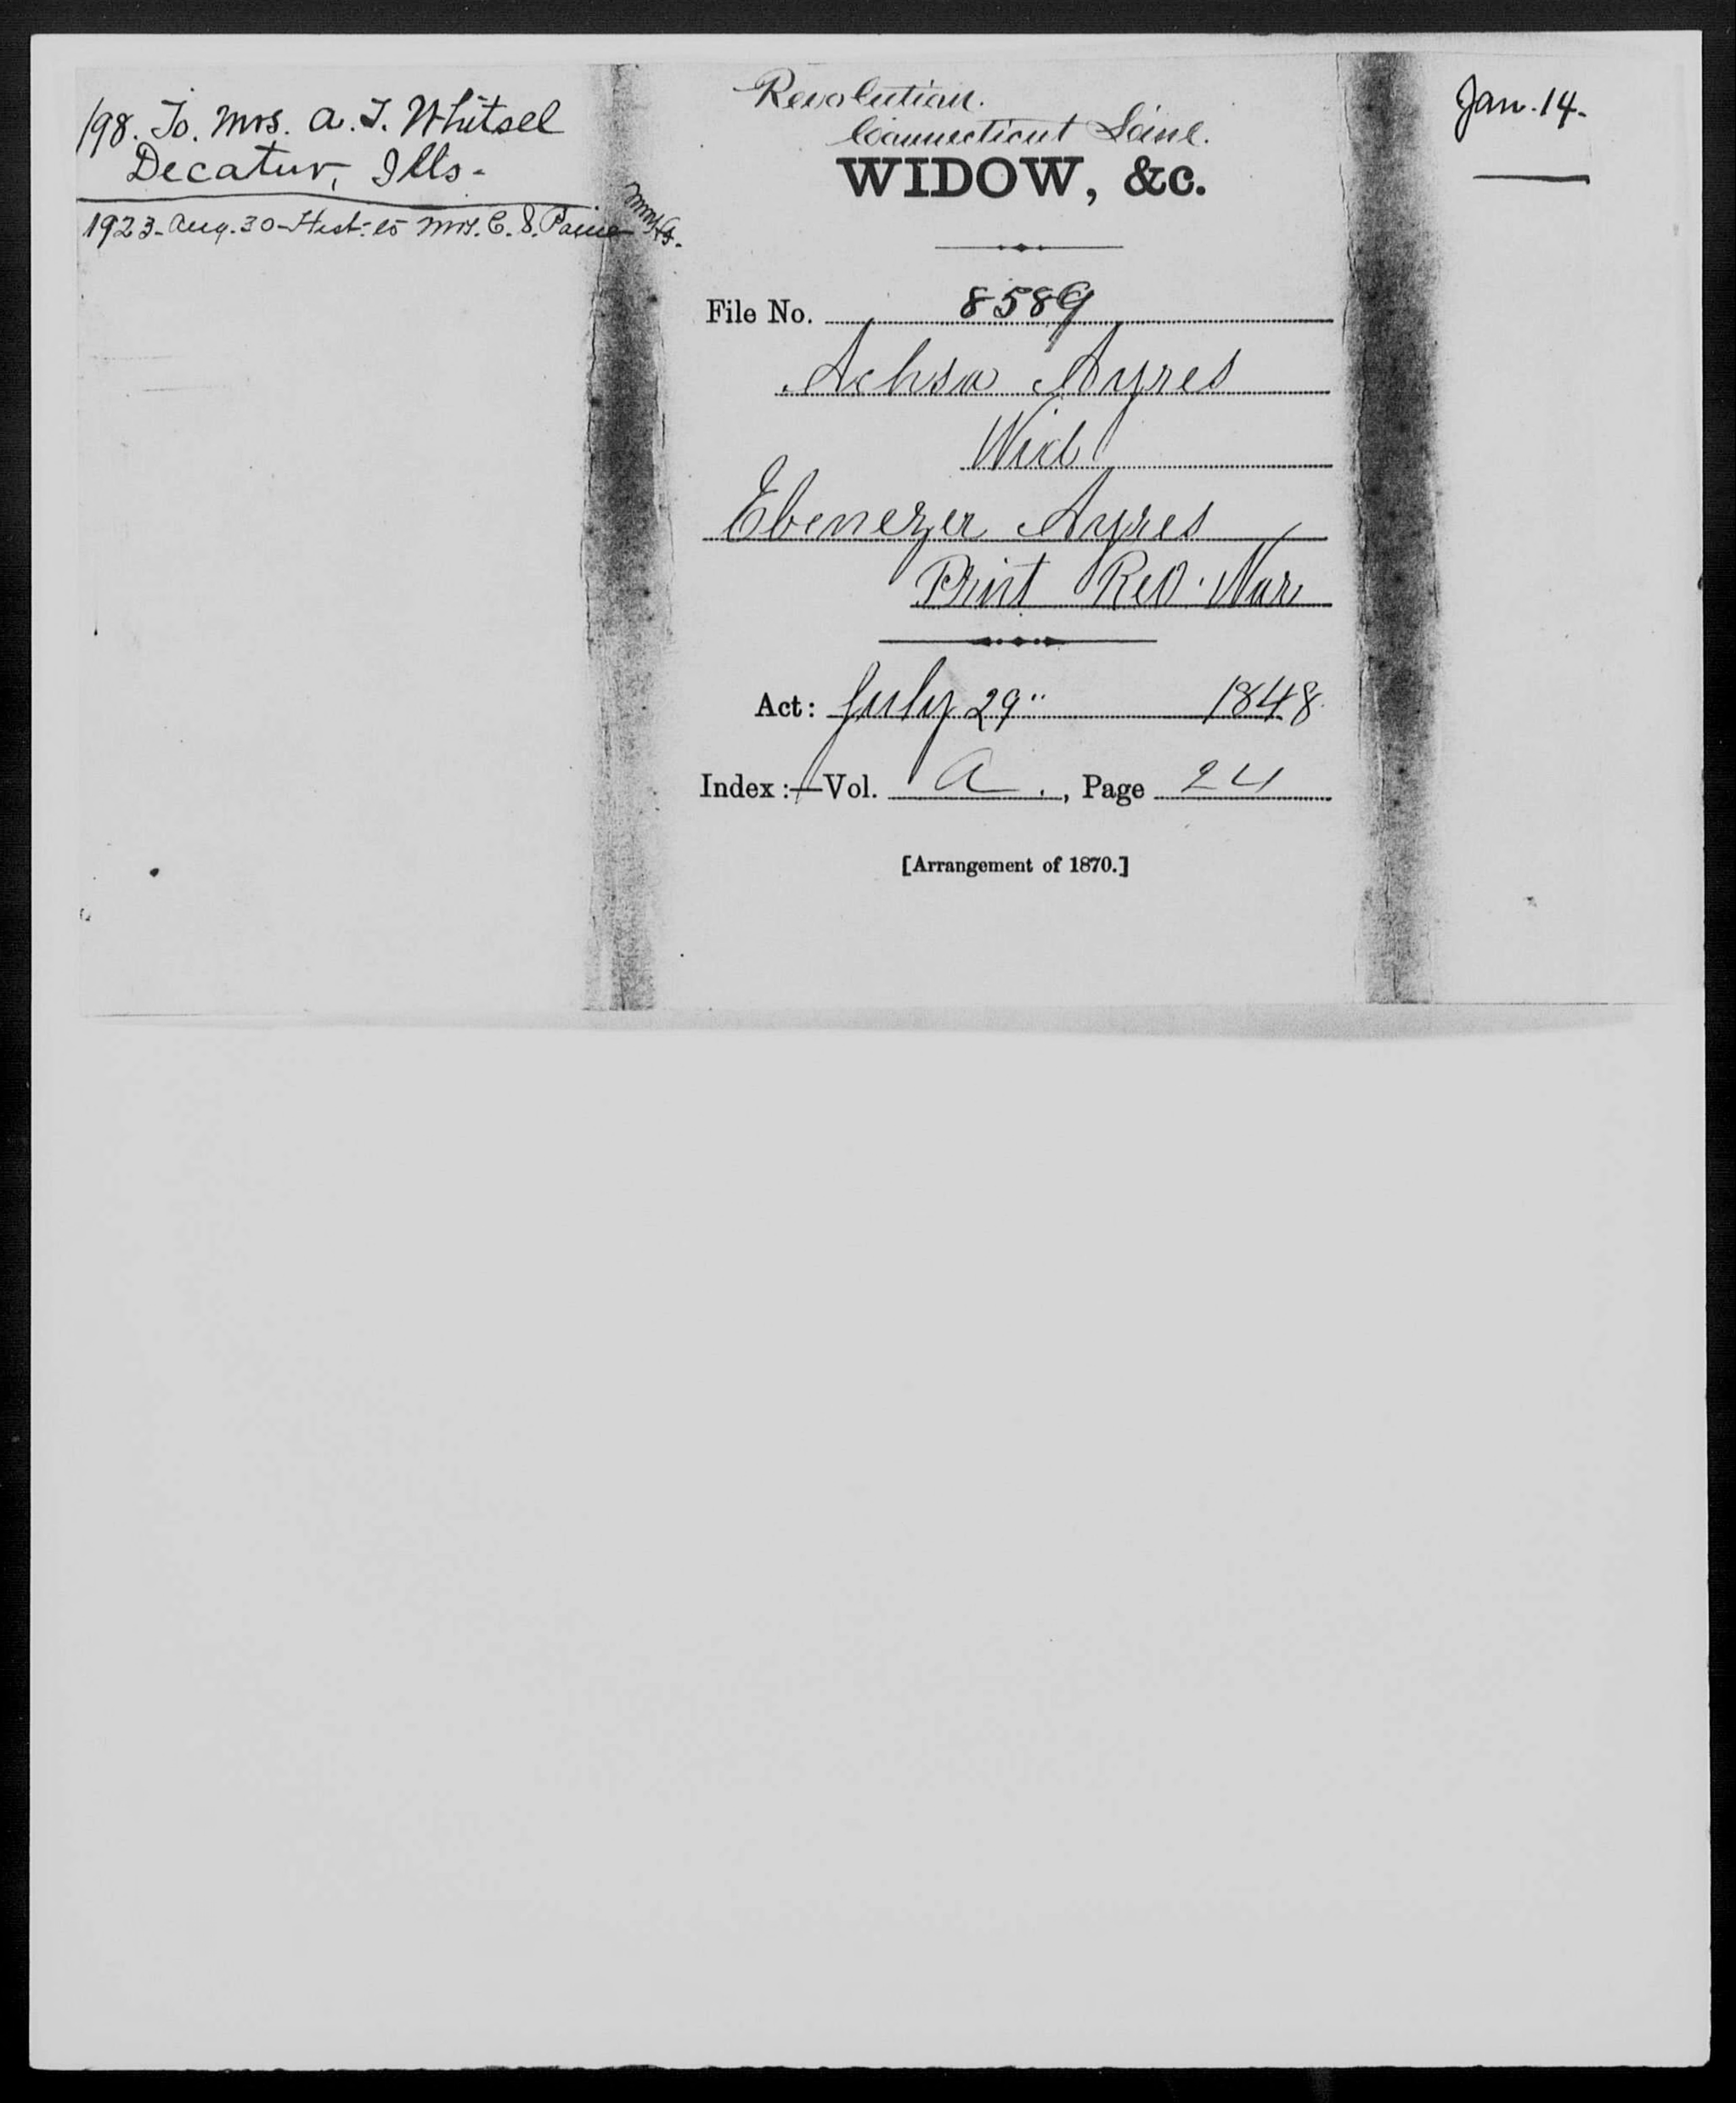198. To Mrs. A. T. Whitsel
Decatur, Ills.
1923 Aug. 30- Hist. to Mrs. C. S. Paine
Revolution.
Connecticut Line.
WIDOW, &c,
File No. 8589
Achsa Ayres
Wid
Ebenezer Ayres
Privt. Rev War
Act:  July 29th, 1848
Index:—Vol. A, Page 24
[Arrangement of 1870.]
Jan. 14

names: Ebenezer Ayres, A T Whitsel, Achsa Ayres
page: 21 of 50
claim: widow's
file: W. 8559, Ebenezer Ayer, Continental (Conn)